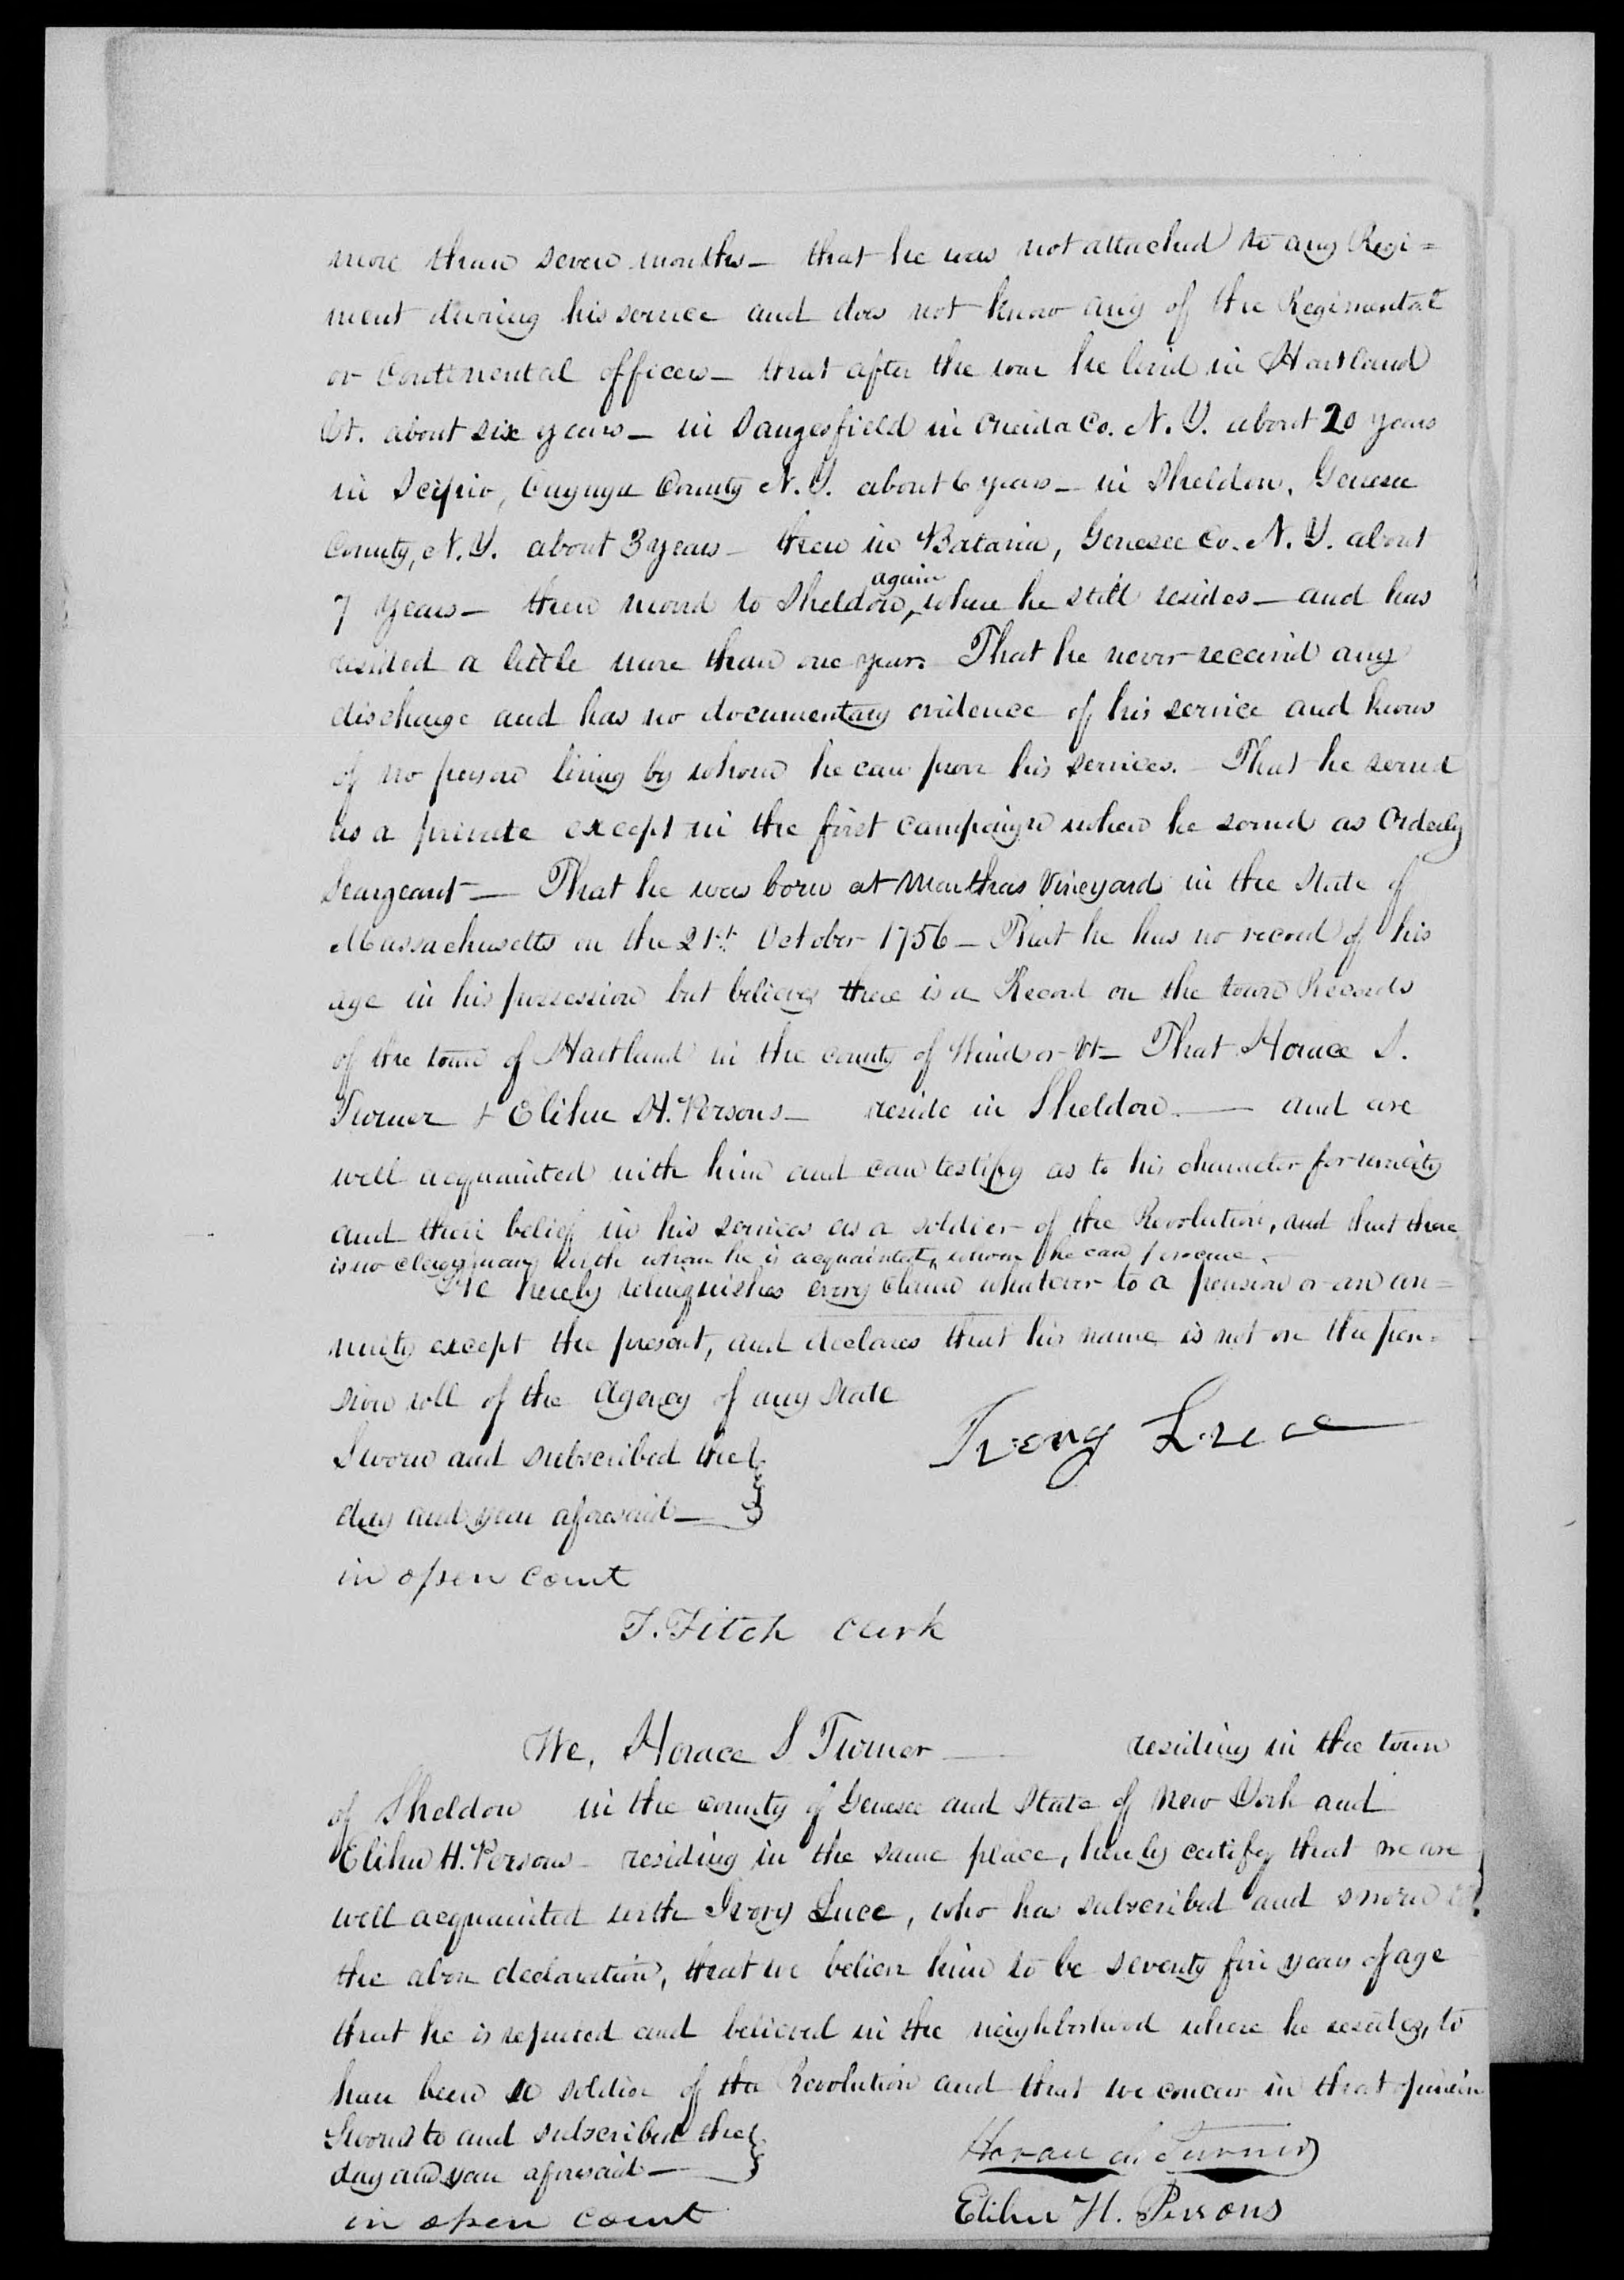more than seven months - that he was not attached to any Regiment during his service and does not know any of the Regimental or Continental officers - that after the war he lived in Hartland Vt. about six years - in Sangerfield in Oneida Co. N.Y about 20 years in Scipio, Cayuga County N.Y. about 6 years - in Sheldon, Genesee County, N.Y. about 3 years - then in Batavia, Genesee Co. about 7 years - then moved to Sheldon again where he still resides - and has resided a little more than one year.  That he never received any discharge and has no documentary evidence of his service and knows of no person living by whom he can prove his services.  That he served as a private except in the first campaign when he served as Orderly Seargeant - That he was born at Martha's Vineyard in the State of Massachusetts in the 21st October 1756 - That he has no record of his age in his possession but believes there is a Record on the town Records of the town of Hartland in the county of Windsor Vt - That Horace S. Turner & Elihu H. Persons reside in Sheldon - and are well acquainted with him and can testify as to his character for veracity and their belief in his services as a soldier of the Revolution, and that there is no clergyman with whom he is acquainted, whom he can procure

He hereby relinquishes every claim whatever to a pension or an annuity except the present, and declares that his name is not on the pension roll of the Agency of any State.

[signed]
Ivory Luce

Sworn and subscribed the 
day and year aforesaid
in open court
[signed]
T. Fitch Clerk

We, Horace S. Turner residing in the town of Sheldon in the county of Genesee and State of New York and Elihu H. Persons - residing in the same place, hereby certify that we are well acquainted with Ivory Luce, who has subscribed and sworn the above declaration, that we believe him to be seventy five years of age- that he is reputed and believed in the neighborhood where he resides to have been a soldier of the Revolution and that we concur in that opinion

[signed]
Horace S. Turner
Elihu H. Persons

Sworn to and subscribed the 
day and year aforesaid
in open court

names: Ivory Luce; T Fitch; Horace S Turner; Elihu H Persons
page: 54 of 70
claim: rejected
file: R. 6510, for Israel Luce, New York